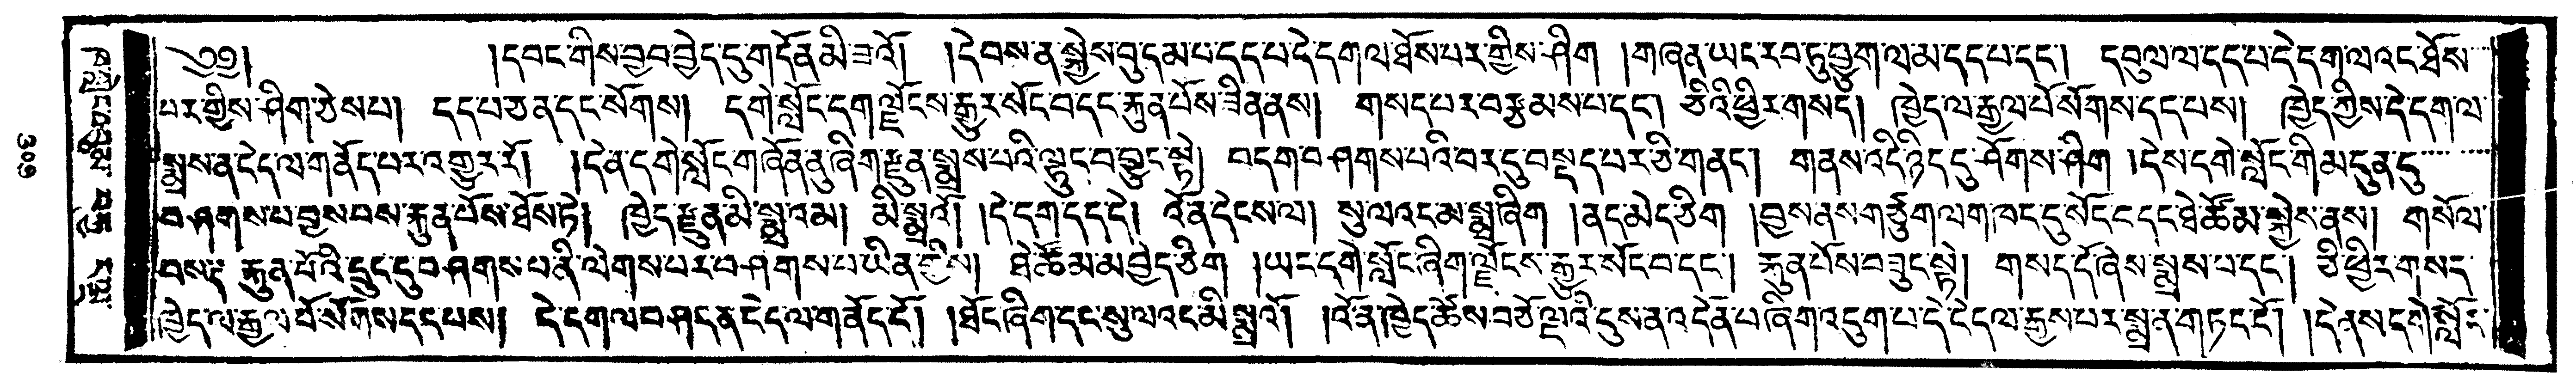༄༅། །དབང་གིས་བྱ་བ་བྱེད་དུ་གདོན་མི་ཟའོ། །དེ་བས་ན་སྐྱེས་བུ་དམ་པ་དད་པ་དེ་དག་ལ་ཐོས་པར་གྱིས་ཤིག །གཞན་ཡང་རབ་ཏུ་བྱུག་ལམ་དད་པ་དང་། དབུལ་ལ་དད་པ་དེ་དག་ལའང་ཐོས་
པར་གྱིས་ཤིག་ཅེས་པ། དད་པ་ཅན་དང་སོགས། དགེ་སློང་དག་ལྗོངས་རྒྱུར་སོང་བ་དང་རྐུན་པོས་ཟིན་ནས། གསད་པར་བརྩམས་པ་དང་། ཅིའི་ཕྱིར་གསད། ཁྱེད་ལ་རྒྱལ་པོ་སོགས་དད་པས། ཁྱེད་ཀྱིས་དེ་དག་ལ་
སྨྲས་ན་ངེད་ལ་གནོད་པར་འགྱུར་རོ། །དེ་ན་དགེ་སློང་གཞོན་ནུ་ཞིག་རྫུན་སྨྲས་པའི་ལྟུང་བ་བྱུང་སྟེ། བདག་བཤགས་པའི་བར་དུ་བསྡད་པར་ཅི་གནང་། གནས་འདི་ཉིད་དུ་ཤོགས་ཤིག །དེས་དགེ་སློང་གི་མདུན་དུ་
བཤགས་པ་བྱས་བས་རྐུན་པོས་ཐོས་ཏེ། ཁྱེད་རྫུན་མི་སྨྲ་འམ། མི་སྨྲའོ། །དེ་དག་དད་དེ། འོ་ན་དེངས་ལ། སུ་ལའང་མ་སྨྲ་ཞིག །ནད་མེད་ཅིག །བྱས་ནས་གཙུག་ལག་ཁང་དུ་སོང་བ་དང་ཐེ་ཚོམ་སྐྱེས་ནས། གསོལ་
བས༑ རྐུན་པོའི་དྲུང་དུ་བཤགས་པ་ནི་ལེགས་པར་བཤགས་པ་ཡིན་གྱིས། ཐེ་ཚོམ་མ་བྱེད་ཅིག །ཡང་དགེ་སློང་ཞིག་ལྗོངས་རྒྱུར་སོང་བ་དང་། རྐུན་པོས་བཟུང་སྟེ། གསད་དོ་ཞེས་སྨྲས་པ་དང་། ཅི་ཕྱིར་གསད་
ཁྱེད་ལ་རྒྱལ་པོ་སོགས་དད་པས། དེ་དག་ལ་བཤད་ན་ངེད་ལ་གནོད་དོ། །ཐོང་ཞིག་དང་སུ་ལའང་མི་སྨྲའོ། །འོ་ན་ཁྱེད་ཚེས་བཅོ་ལྔའི་དུས་ན་འདོན་པ་ཞིག་འདུག་པ་དེ་ངེད་ལ་རྒྱས་པར་སྨྲ་ན་གཏང་ངོ། །དེ་ནས་དགེ་སློང་